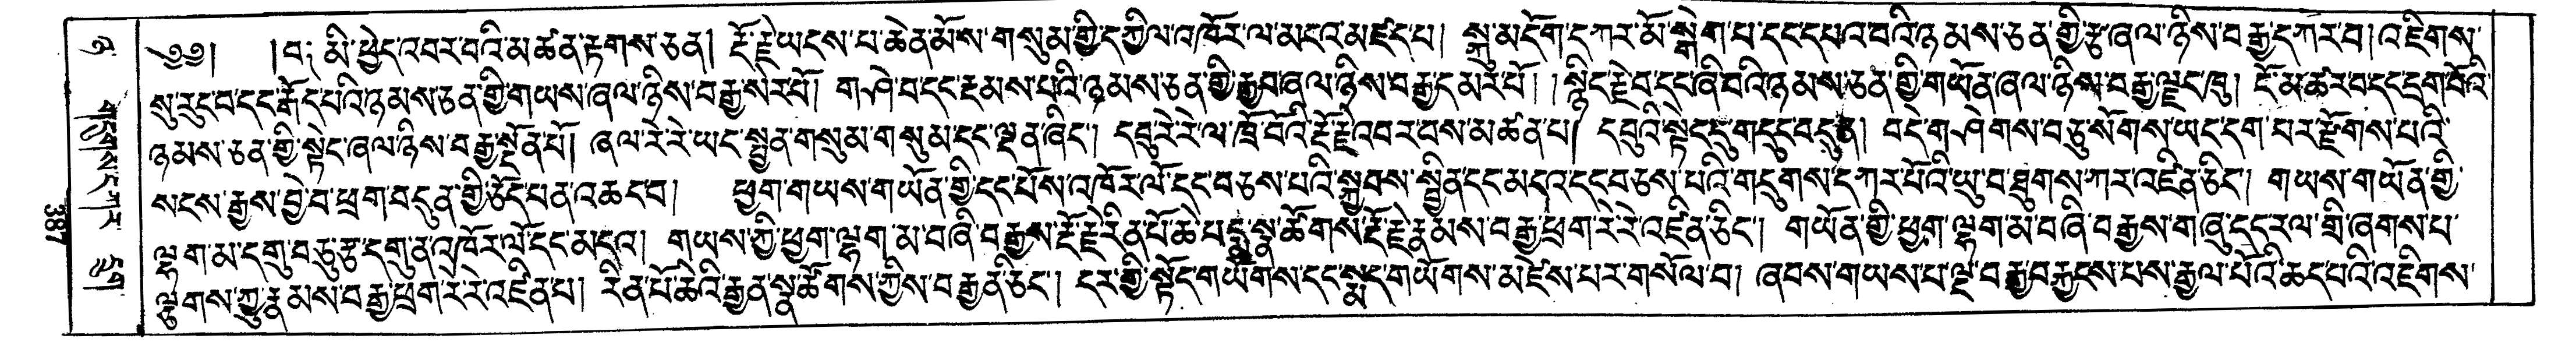༄༅། །བ༑ མི་ཕྱེད་འབར་བའི་མཚན་རྟགས་ཅན། རྡོ་རྗེ་ཡངས་པ་ཆེན་མོ་ས་གསུམ་གྱི་དཀྱིལ་འཁོར་ལ་མངའ་མཛད་པ། སྐུ་མདོག་དཀར་མོ་སྒེག་པ་དང་དཔའ་བའི་ཉམས་ཅན་གྱི་རྩ་ཞལ་ཉིས་བརྒྱ་དཀར་བ། འཇིགས་
སུ་རུང་བ་དང་རྒོད་པའི་ཉམས་ཅན་གྱི་གཡས་ཞལ་ཉིས་བརྒྱ་སེར་པོ། གཤེ་བ་དང་རྔམས་པའི་ཉམས་ཅན་གྱི་རྒྱབ་ཞལ་ཉིས་བརྒྱ་དམར་པོ། །སྙིང་རྗེ་བ་དང་ཞི་བའི་ཉམས་ཅན་གྱི་གཡོན་ཞལ་ཉིས་བརྒྱ་ལྗང་ཁུ། དེ་མཚར་བ་དང་དྲག་པོའི་
ཉམས་ཅན་གྱི་སྟེང་ཞལ་ཉིས་བརྒྱ་སྔོན་པོ། ཞལ་རེ་རེ་ཡང་སྤྱན་གསུམ་གསུམ་དང་ལྡན་ཞིང་། དབུ་རེ་རེ་ལ་ཁྲོ་བའི་རྡོ་རྗེ་འབར་བས་མཚན་པ། དབུའི་སྟེང་དུ་གདུང་བདུན། བདེ་གཤེགས་བཅུ་སོགས་ཡང་དག་པར་རྫོགས་པའི་
སངས་རྒྱས་བྱེ་བ་ཕྲག་བདུན་གྱི་ཅོད་པན་འཆང་བ། ཕྱག་གཡས་གཡོན་གྱི་དང་པོས་འཁོར་ལོ་དང་བཅས་པའི་སྐྱབས་སྦྱིན་དང་མངའ་དང་བཅས་པའི་གདུགས་དཀར་པོའི་ཡུ་བ་ཐུགས་ཀར་འཛིན་ཅིང་། གཡས་གཡོན་གྱི་
ལྷག་མ་དགུ་བཅུ་རྩ་དགུ་ན་འཁོར་ལོ་དང་མདའ། གཡས་ཀྱིཕྱག་ལྷག་མ་བཞི་བརྒྱས་རྡོ་རྗེ་རིན་པོ་ཆེ་པདམ་སྣ་ཚོགས་རྡོ་རྗེ་རྣམས་བརྒྱ་ཕྲག་རེ་རེ་འཛིན་ཅིང་། གཡོན་གྱི་ཕྱག་ལྷག་མ་བཞི་བརྒྱས་གཞུ་དང་རལ་གྲི་ཞགས་པ་
ལྕགས་ཀྱུ་རྣམས་བརྒྱ་ཕྲག་རེ་རེ་འཛིན་པ། རིན་པོ་ཆེའི་རྒྱན་སྣ་ཚོགས་ཀྱིས་བརྒྱན་ཅིང་། དར་གྱི་སྟོད་གཡོགས་དང་སྨད་གཡོགས་མཛེས་པར་གསོལ་བ། ཞབས་གཡས་པ་ལྔ་བརྒྱ་བརྐྱངས་པས་རྒྱལ་པོའི་ཆད་པའི་འཇིགས།